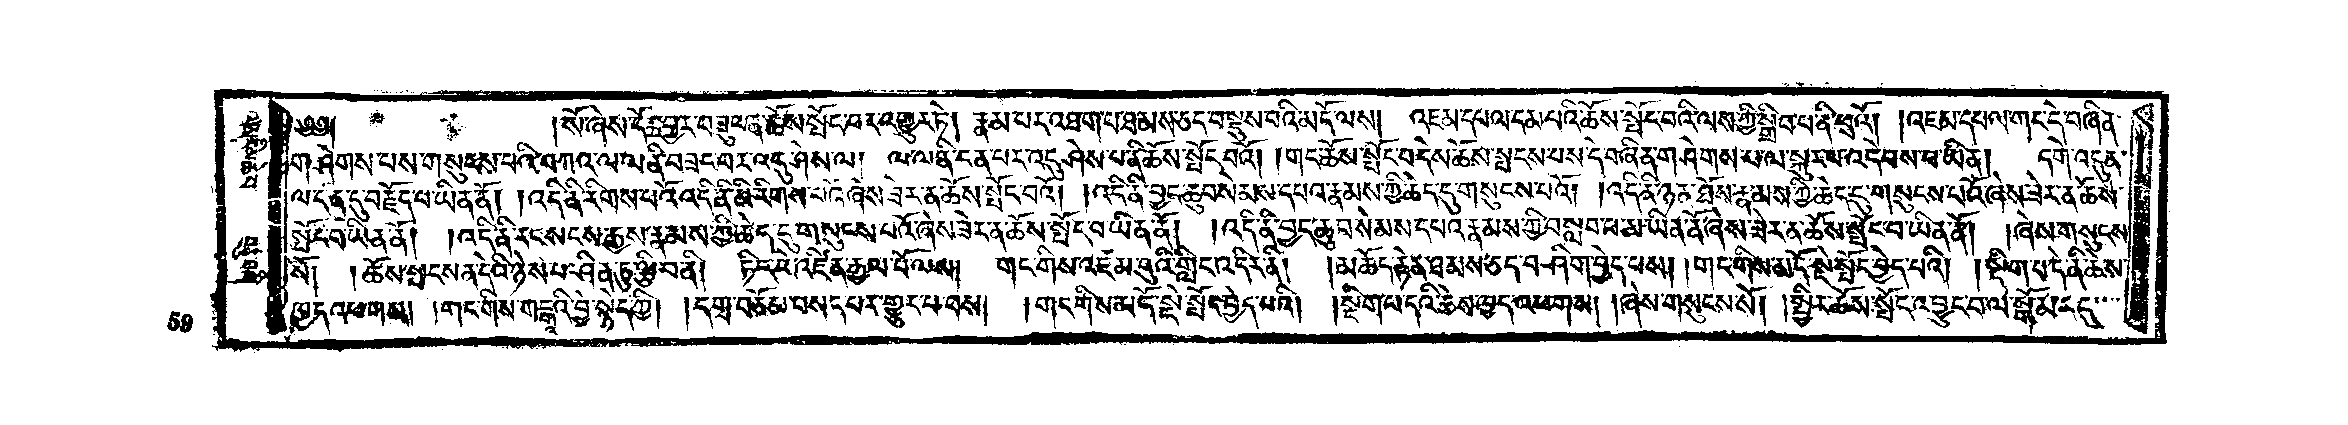༄༅། །སོ་ཞེས་དོར་བྱར་བཟུང་ན་ཆོས་སྤོང་བར་འགྱུར་ཏེ། རྣམ་པར་འཐག་པ་ཐམས་ཅད་བསྡུས་བའི་མདོ་ལས། འཇམ་དཔལ་དམ་པའི་ཆོས་སྤོང་བའི་ལས་ཀྱི་སྒྲིབ་པ་ནི་ཕྲའོ། །འཇམ་དཔལ་གང་དེ་བཞིན་
གཤེགས་པས་གསུངས་པའི་བཀའ་ལ་ལ་ནི་བཟང་བར་འདུ་ཤེས་ལ། ལ་ལ་ནི་ངན་པར་འདུ་ཤེས་པ་ནི་ཆོས་སྤོང་བའོ། །གང་ཆོས་སྤོང་བ་དེས་ཆོས་སྤངས་པས་དེ་བཞིན་གཤེགས་པ་ལ་སྐུར་པ་འདེབས་པ་ཡིན། དགེ་འདུན་
ལ་ངན་དུ་བརྗོད་པ་ཡིན་ནོ། །འདི་ནི་རིགས་པའོ་འདི་ནི་མི་རིགས་པའོ་ཞེས་ཟེར་ན་ཆོས་སྤོང་བའོ། །འདི་ནི་བྱང་ཆུབ་སེམས་དཔའ་རྣམས་ཀྱི་ཆེད་དུ་གསུངས་པའོ། །འདི་ནི་ཉན་ཐོས་རྣམས་ཀྱི་ཆེད་དུ་གསུངས་པའོ་ཞེས་ཟེར་ན་ཆོས་
སྤོང་བ་ཡིན་ནོ། །འདི་ནི་རང་སངས་རྒྱས་རྣམས་ཀྱི་ཆེད་དུ་གསུངས་པའོ་ཞེས་ཟེར་ན་ཆོས་སྤོང་བ་ཡིན་ནོ། །འདི་ནི་བྱང་ཆུབ་སེམས་དཔའ་རྣམས་ཀྱི་བསླབ་པ་མ་ཡིན་ནོ་ཞེས་ཟེར་ན་ཆོས་སྤོང་བ་ཡིན་ནོ། །ཞེས་གསུངས་
སོ༑ ༑ཆོས་སྤངས་ན་དེའི་ཉེས་པ་ཤིན་ཏུ་ལྕི་བ་ནི། ཏིང་ངེ་འཛིན་རྒྱལ་པོ་ལས། གང་གིས་འཛམ་བུའི་གླིང་འདིར་ནི། །མཆོད་རྟེན་ཐམས་ཅད་བཤིག་བྱེད་པས། །གང་གིས་མདོ་སྡེ་སྤོང་བྱེད་པའི། །སྡིག་པ་དེ་ནི་ཆེས་
ཁྱད་འཕགས། །གང་གིས་གངྒཱའི་བྱེ་སྙེད་ཀྱི། །དགྲ་བཅོམ་བསད་པར་གྱུར་པ་བས། །གང་གིས་མདོ་སྡེ་སྤོང་བྱེད་པའི། །སྡིག་པ་དེ་ནི་ཆེས་ཁྱད་འཕགས། །ཞེས་གསུངས་སོ། །སྤྱིར་ཆོས་སྤོང་འབྱུང་བ་ལ་སྒོ་མང་དུ་